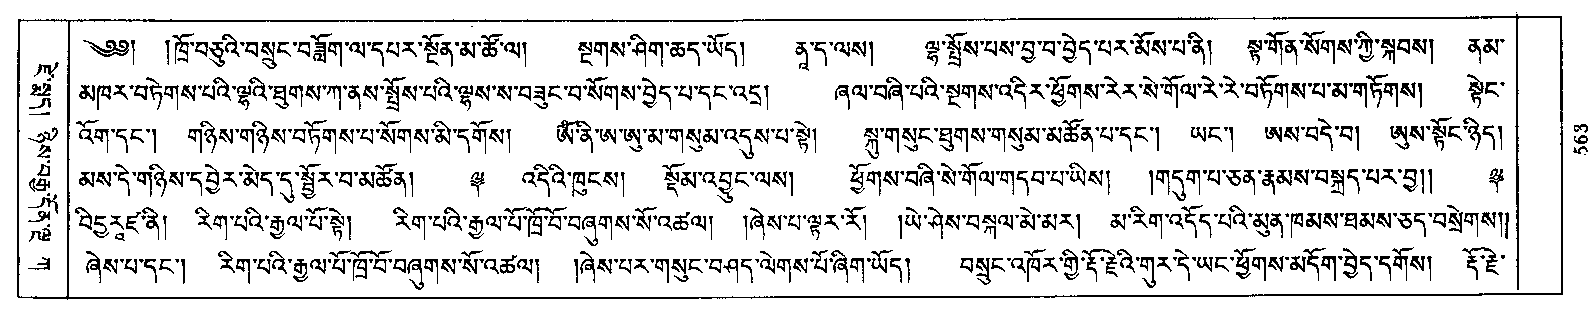༄༅། །ཁྲོ་བཅུའི་བསྲུང་བཟློག་ལ་དཔར་སྔོན་མ་ཚོ་ལ། སྔགས་ཤིག་ཆད་ཡོད། ནཱ་ད་ལས། ལྷ་སྤྲོས་པས་བྱ་བ་བྱེད་པར་མོས་པ་ནི། སྟ་གོན་སོགས་ཀྱི་སྐབས། ནམ་
མཁར་བཏེགས་པའི་ལྷའི་ཐུགས་ཀ་ནས་སྤྲོས་པའི་ལྷས་ས་བཟུང་བ་སོགས་བྱེད་པ་དང་འདྲ། ཞལ་བཞི་པའི་སྔགས་འདིར་ཕྱོགས་རེར་སེ་གོལ་རེ་རེ་བཏོགས་པ་མ་གཏོགས། སྟེང་
འོག་དང་། གཉིས་གཉིས་བཏོགས་པ་སོགས་མི་དགོས། ཨོཾ་ནི་ཨ་ཨུ་མ་གསུམ་འདུས་པ་སྟེ། སྐུ་གསུང་ཐུགས་གསུམ་མཚོན་པ་དང་། ཡང་། ཨས་བདེ་བ། ཨུས་སྟོང་ཉིད།
མས་དེ་གཉིས་དབྱེར་མེད་དུ་སྦྱོར་བ་མཚོན། ༈ འདིའི་ཁུངས། སྡོམ་འབྱུང་ལས། ཕྱོགས་བཞི་སེ་གོལ་གདབ་པ་ཡིས། །གདུག་པ་ཅན་རྣམས་བསྐྲད་པར་བྱ།། ༈
བིདྱྲཱཛ་ནི། རིག་པའི་རྒྱལ་པོ་སྟེ། རིག་པའི་རྒྱལ་པོ་ཁྲོ་བོ་བཞུགས་སོ་འཚལ། །ཞེས་པ་ལྟར་རོ། །ཡེ་ཤེས་བསྐལ་མེ་མར། མ་རིག་འདོད་པའི་མུན་ཁམས་ཐམས་ཅད་བསྲེགས།།
ཞེས་པ་དང་། རིག་པའི་རྒྱལ་པོ་ཁྲོ་བོ་བཞུགས་སོ་འཚལ། །ཞེས་པར་གསུང་བཤད་ལེགས་པོ་ཞིག་ཡོད། བསྲུང་འཁོར་གྱི་རྡོ་རྗེའི་གུར་དེ་ཡང་ཕྱོགས་མདོག་བྱེད་དགོས། རྡོ་རྗེ་